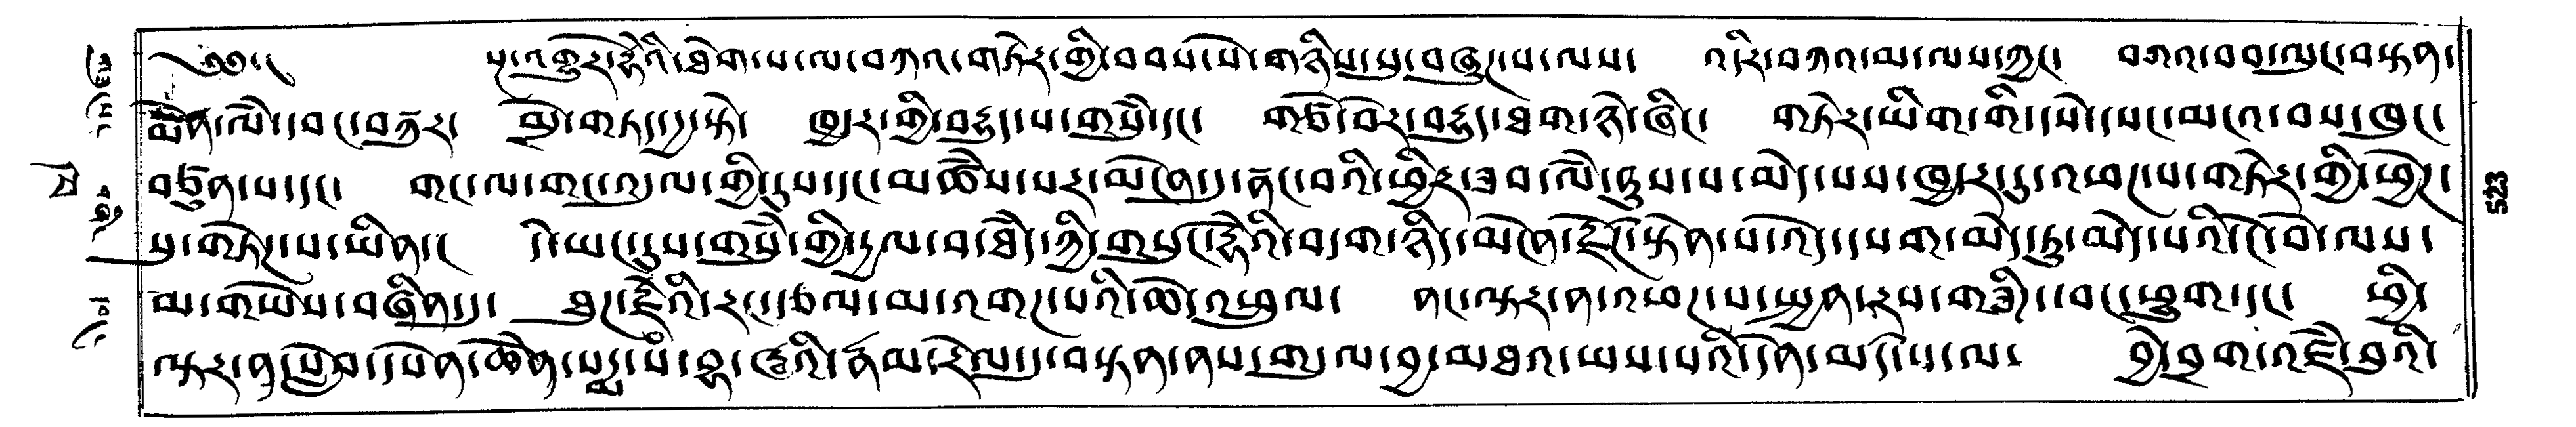སྔ་འགྱུར་རྡོ་རྗེའི་ཐེག་པ་ལ་བཀའ་གཏེར་གྱི་བབས་སོ་གཉིས་སུ་བཞུགས་པ་ལས། འདིར་བཀའ་མ་ལས་ཀྱང་། བཀའ་བབ་ལུང་བསྟན་
སྨོན་ལམ་དབང་བསྐུར། །མཁའ་འགྲོ་གཏད་རྒྱ་སྟེ། ཁྱད་པར་གྱི་བརྒྱུད་པ་གསུམ་དང་། གཙོ་བོར་བརྒྱུད་ཐག་ཉེ་ཞིང་། གཏེར་ཡིག་གི་དཔེ་དཔང་མངའ་བས་ཁུང་
བཙུན་པ་དང་། གང་ལ་གང་འདུལ་གྱི་དུས་དང་འཚམས་པར་མངོན་དུ་སྣང་བའི་ཕྱིར་ཟབ་ལམ་ནུབ་པ་མེད་པས་ཁྱད་པར་དུ་འཕགས་པ་གཏེར་གྱི་ཕྱོགས་
སུ་གཏོགས་པ་ཡིན། །དེ་ཡང་དུས་གསུམ་གྱི་རྒྱལ་བ་ཐམས་ཅད་ཀྱི་གསུང་རྡོ་རྗེའི་བདག་ཉིད་མངོན་རྫོགས་སྟོན་པ་འོད་དཔག་མེད་པའི་ངོ་བོ་ལས་
མ་གཡོས་བཞིན་དུ། ཐུགས་རྗེའི་རང་རྩལ་མ་འགགས་པའི་ཆོ་འཕྲུལ། ནང་ལྟར་ན་འཕགས་པ་སྤྱན་རས་གཟིགས་དབང་ཕྱུག་དང་། ཕྱི་
ལྟར་ན་སློབ་དཔོན་ཆེན་པོ་པདྨ་སཾ་བྷ་ཝའི་རྣམ་རོལ་དུ་བསྟན་ནས་གདུལ་བྱ་མཐའ་ཡས་པའི་དོན་མཛད་པ་ལ། བྱེ་བྲག་འཛམ་བུའི་